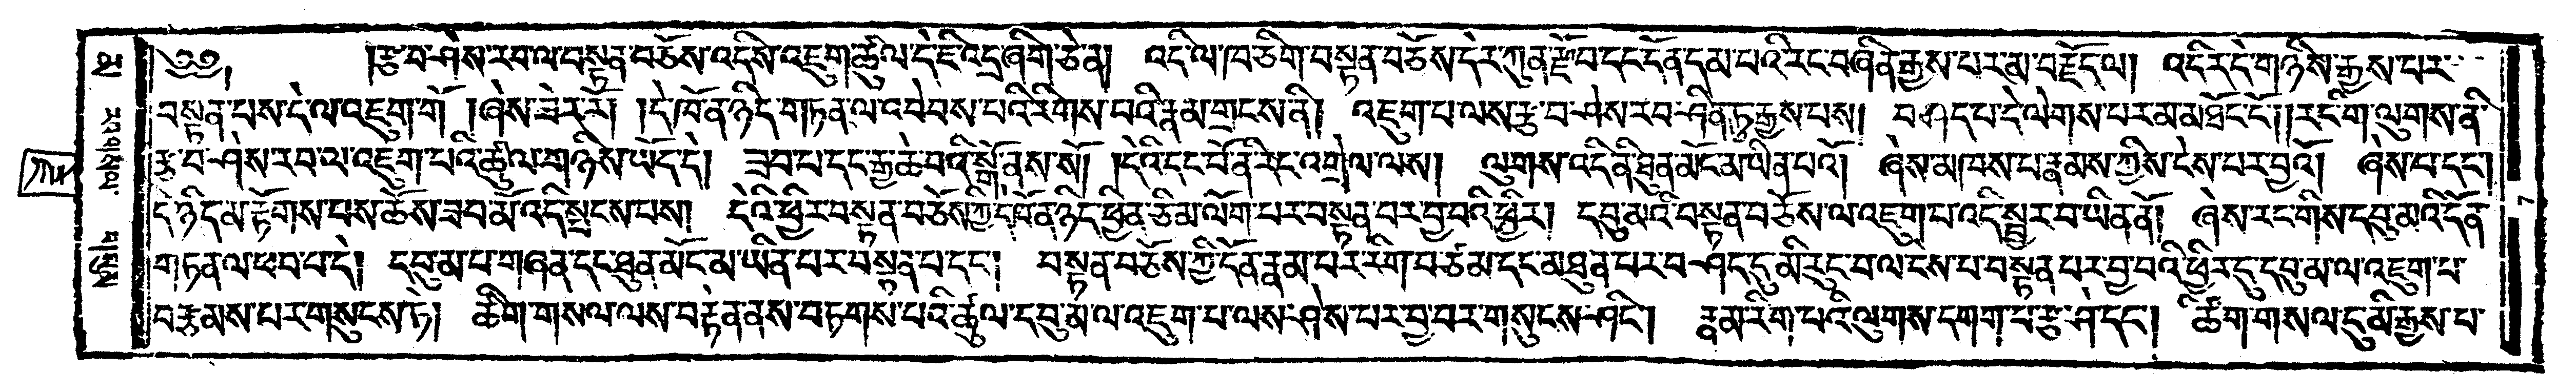༄༅། །རྩ་བ་ཤེས་རབ་ལ་བསྟན་བཅོས་འདིས་འཇུག་ཚུལ་དེ་ཇི་འདྲ་ཞིག་ཅེ་ན། འདི་ལ་ཁ་ཅིག་བསྟན་བཅོས་དེར་ཀུན་རྫོབ་དང་དོན་དམ་པའི་རང་བཞིན་རྒྱས་པར་མ་བརྗོད་ལ། འདིར་དེ་གཉིས་རྒྱས་པར་
བསྟན་པས་དེ་ལ་འཇུག་གོ །ཞེས་ཟེར་རོ། །དེ་ཁོ་ན་ཉིད་གཏན་ལ་འབེབས་པའི་རིགས་པའི་རྣམ་གྲངས་ནི། འཇུག་པ་ལས་རྩ་བ་ཤེས་རབ་ཤིན་ཏུ་རྒྱས་པས། བཤད་པ་དེ་ལེགས་པར་མ་མཐོང་ངོ། །རང་གི་ལུགས་ནི་
རྩ་བ་ཤེས་རབ་ལ་འཇུག་པའི་ཚུལ་གཉིས་ཡོད་དེ། ཟབ་པ་དང་རྒྱ་ཆེ་བའི་སྒོ་ནས་སོ། །དེའི་དང་པོ་ནི་རང་འགྲེལ་ལས། ལུགས་འདི་ནི་ཐུན་མོང་མ་ཡིན་པའོ། །ཞེས་མཁས་པ་རྣམས་ཀྱིས་ངེས་པར་བྱའོ། །ཞེས་པ་དང་།
དེ་ཉིད་མ་རྟོགས་པས་ཆོས་ཟབ་མོ་འདི་སྤངས་པས། དེའི་ཕྱིར་བསྟན་བཅོས་ཀྱིས་དེ་ཁོ་ན་ཉིད་ཕྱིན་ཅི་མ་ལོག་པར་བསྟན་པར་བྱ་བའི་ཕྱིར། དབུ་མའི་བསྟན་བཅོས་ལ་འཇུག་པ་འདི་སྦྱར་བ་ཡིན་ནོ། ཞེས་རང་གིས་དབུ་མའི་དོན་
གཏན་ལ་ཕབ་པ་དེ། དབུ་མ་པ་གཞན་དང་ཐུན་མོང་མ་ཡིན་པར་བསྟན་པ་དང་། བསྟན་བཅོས་ཀྱི་དོན་རྣམ་པར་རིག་པ་ཙམ་དང་མཐུན་པར་བཤད་དུ་མི་རུང་བ་ལ་ངེས་པ་བསྟན་པར་བྱ་བའི་ཕྱིར་དུ་དབུ་མ་ལ་འཇུག་པ་
བརྩམས་པར་གསུངས་ཏེ། ཚིག་གསལ་ལས་བརྟེན་ནས་བཏགས་པའི་ཚུལ་དབུ་མ་ལ་འཇུག་པ་ལས་ཤེས་པར་བྱ་བར་གསུངས་ཤིང་། རྣམ་རིག་པའི་ལུགས་དགག་པ་རྩ་ཤེ་དང་། ཚིག་གསལ་དུ་མི་རྒྱས་པ་